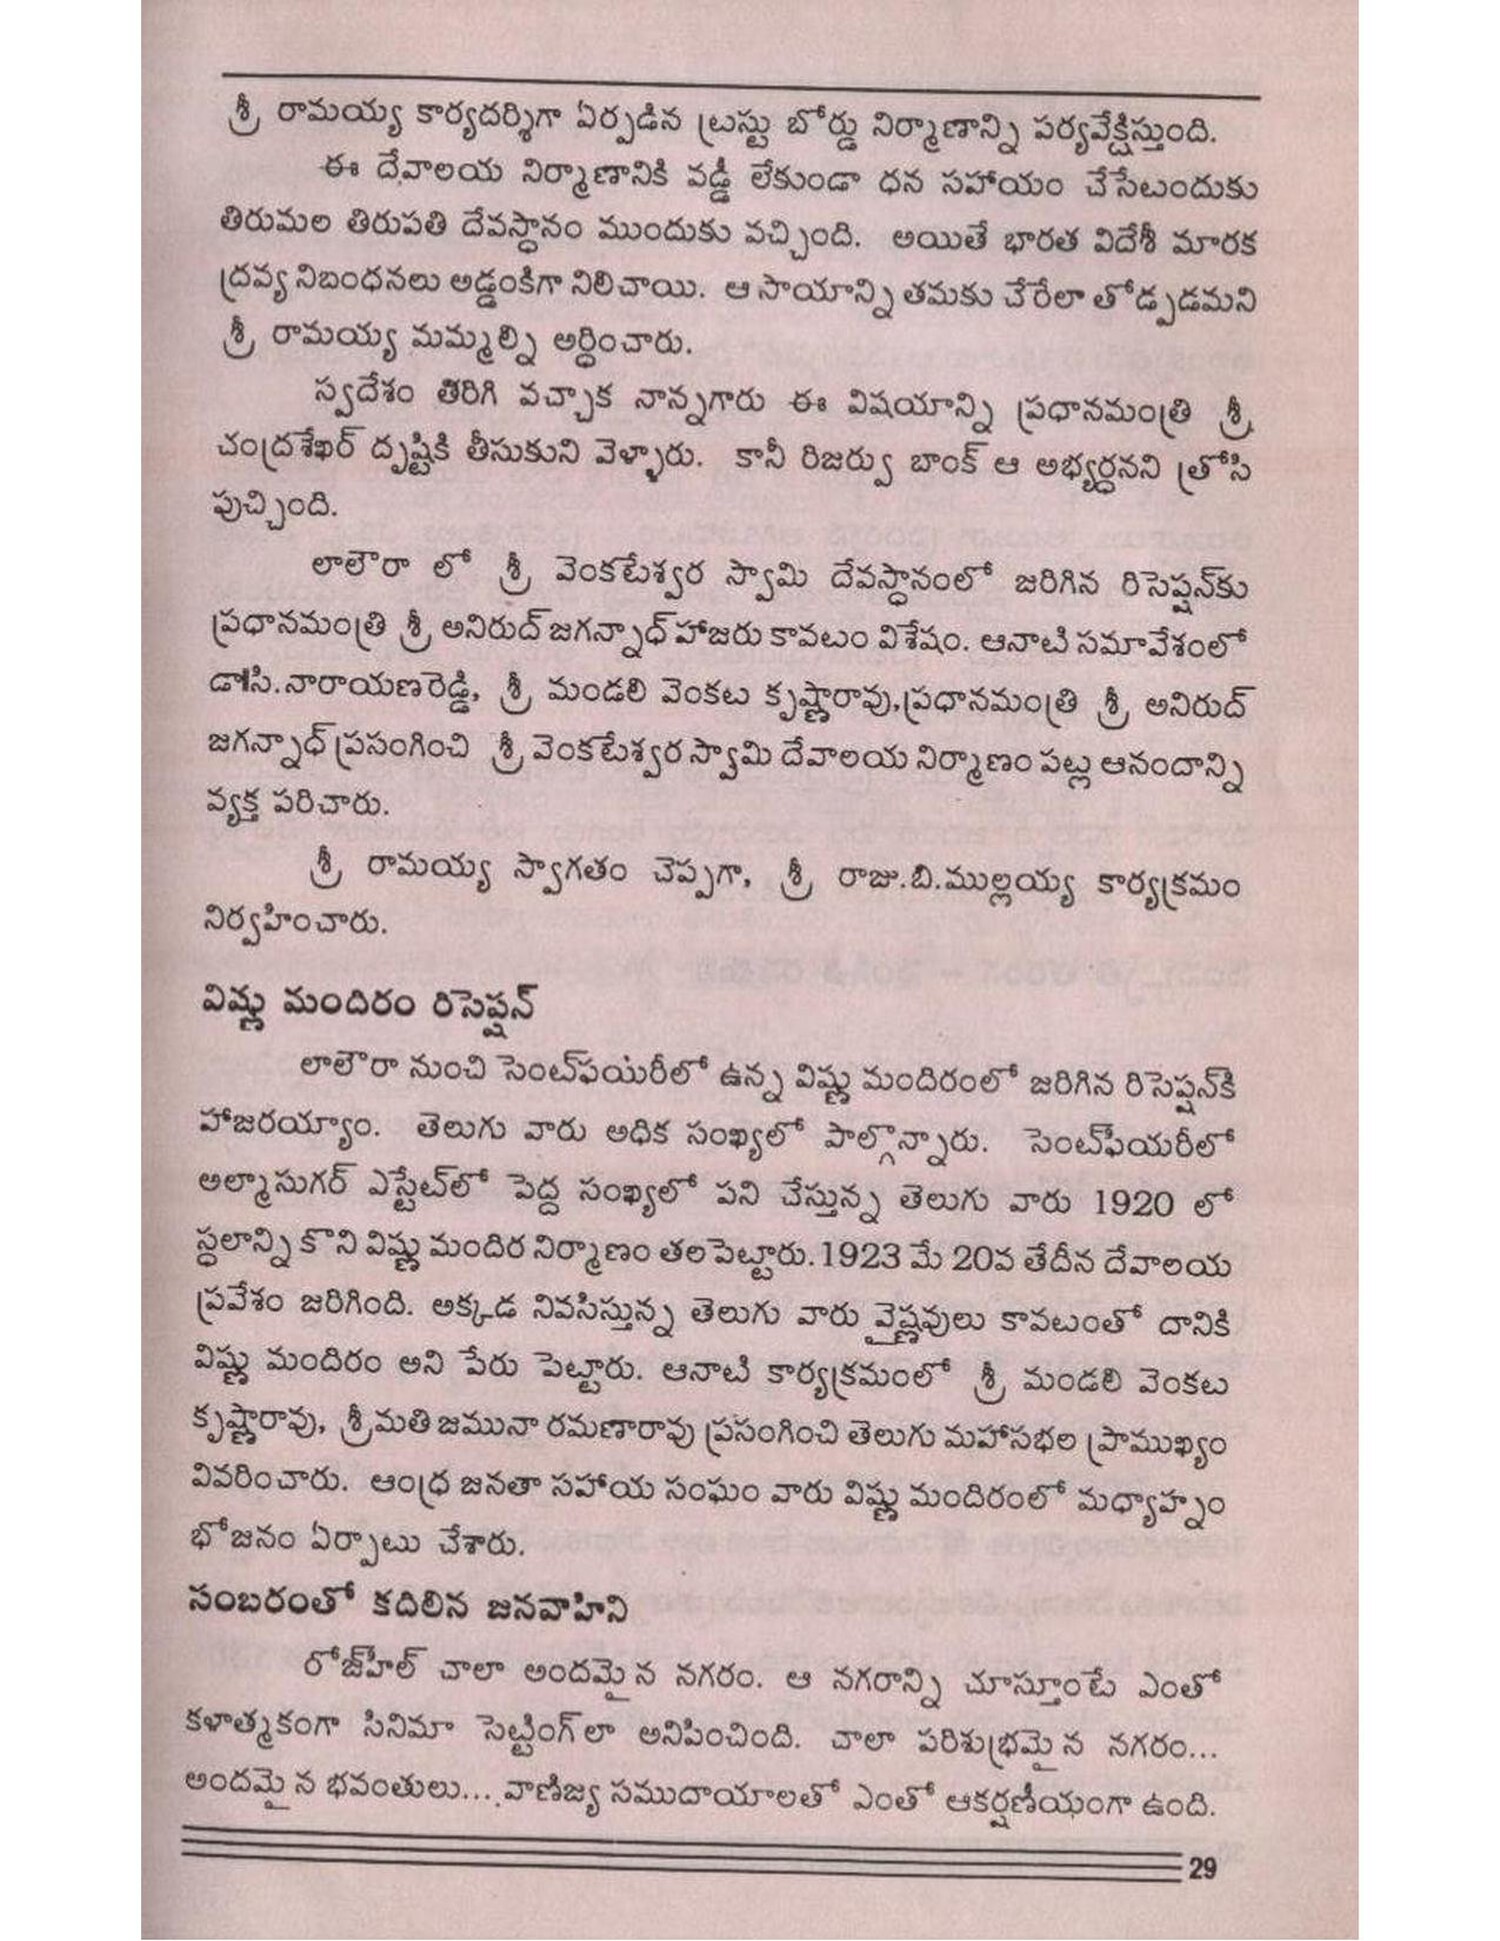శ్రీ రామయ్య కార్యదర్శిగా ఏర్పడిన ట్రస్టు బోర్డు నిర్మాణాన్ని పర్యవేక్షిస్తుంది.

ఈ దేవాలయ నిర్మాణానికి వడ్డీ లేకుండా ధన సహాయం చేసేటందుకు తిరుమల తిరుపతి దేవస్థానం ముందుకు వచ్చింది. అయితే భారత విదేశీ మారక ద్రవ్య నిబంధనలు అడ్డంకిగా నిలిచాయి. ఆ సాయాన్ని తమకు చేరేలా తోడ్పడమని శ్రీ రామయ్య మమ్మల్ని ఆర్ధించారు.

స్వదేశం తిరిగి వచ్చాక నాన్నగారు ఈ విషయాన్ని ప్రధానమంత్రి శ్రీ చంద్రశేఖర్ దృష్టికి తీసుకుని వెళారు. కానీ రిజర్వు బాంక్ ఆ అభ్యర్ధనని త్రోసి పుచ్చింది.

లాలౌరా లో శ్రీ వెంకటేశ్వర స్వామి దేవస్థానంలో జరిగిన రిసెప్షన్‌కు ప్రధానమంత్రి శ్రీ అనిరుద్ జగనాధ్ హాజరుకావటం విశేషం. ఆనాటి సమావేశంలో డా॥ సి.నారాయణరెడ్డి, శ్రీ మండలి వెంకట కృష్ణారావు, ప్రధానమంత్రి శ్రీ అనిరుద్ జగనాధ్ ప్రసంగించి శ్రీ వెంకటేశ్వేర స్వామి దేవాలయ నిర్మాణం పట్ల ఆనందాన్ని వ్యక్త పరిచారు.

శ్రీ రామయ్య స్వాగతం చెప్పగా, శ్రీ రాజు, బి. ముల్లయ్య కార్యక్రమం నిర్వహించారు.

విష్ణు మందిరం రిసెప్షన్

లాలౌరా నుంచి సెంట్‌ఫయరీలో ఉన్న విష్ణు మందిరంలో జరిగిన రిసెప్షన్‌కి హాజరయ్యాం. తెలుగు వారు అధిక సంఖ్యలో పాల్గొన్నారు. సెంట్‌ఫీయరీలో అల్మాసుగర్ ఎస్టేట్‌లో పెద్ద సంఖ్యలో పని చేస్తున్న తెలుగు వారు 1920 లో స్థలాన్ని కొని విష్ణు మందిర నిర్మాణం తలపెట్టారు. 1923 మే 20వ తేదీన దేవాలయ ప్రవేశం జరిగింది. అక్కడ నివసిస్తున్న తెలుగు వారు వైష్ణవులు కావటంతో దానికి విష్ణు మందిరం అని పేరు పిలూరు. ఆనాటి కార్యక్రమంలో శీ మండలి వెంకట కృష్ణారావు, శ్రీమతి జమునా రమణారావు ప్రసంగించి తెలుగు మహాసభల ప్రాముఖ్యం వివరించారు. ఆంధ్ర జనతా సహాయ సంఘం వారు విష్ణు మందిరంలో మధ్యాహ్నం భోజనం ఏర్పాటు చేశారు. 

సంబరంతో కదిలిన జనవాహిని

రోజ్‌హిల్ చాలా అందమైన నగరం. ఆ నగరాన్ని చూస్తూంటే ఎంతో
కళాత్మకంగా సినిమా సెట్టింగ్ లా అనిపించింది. చాలా పరిశుభ్రమైన నగరం. అందమైన భవంతులు. వాణిజ్య సముదాయాలతో ఎంతో ఆకర్షణీయంగా ఉంది.